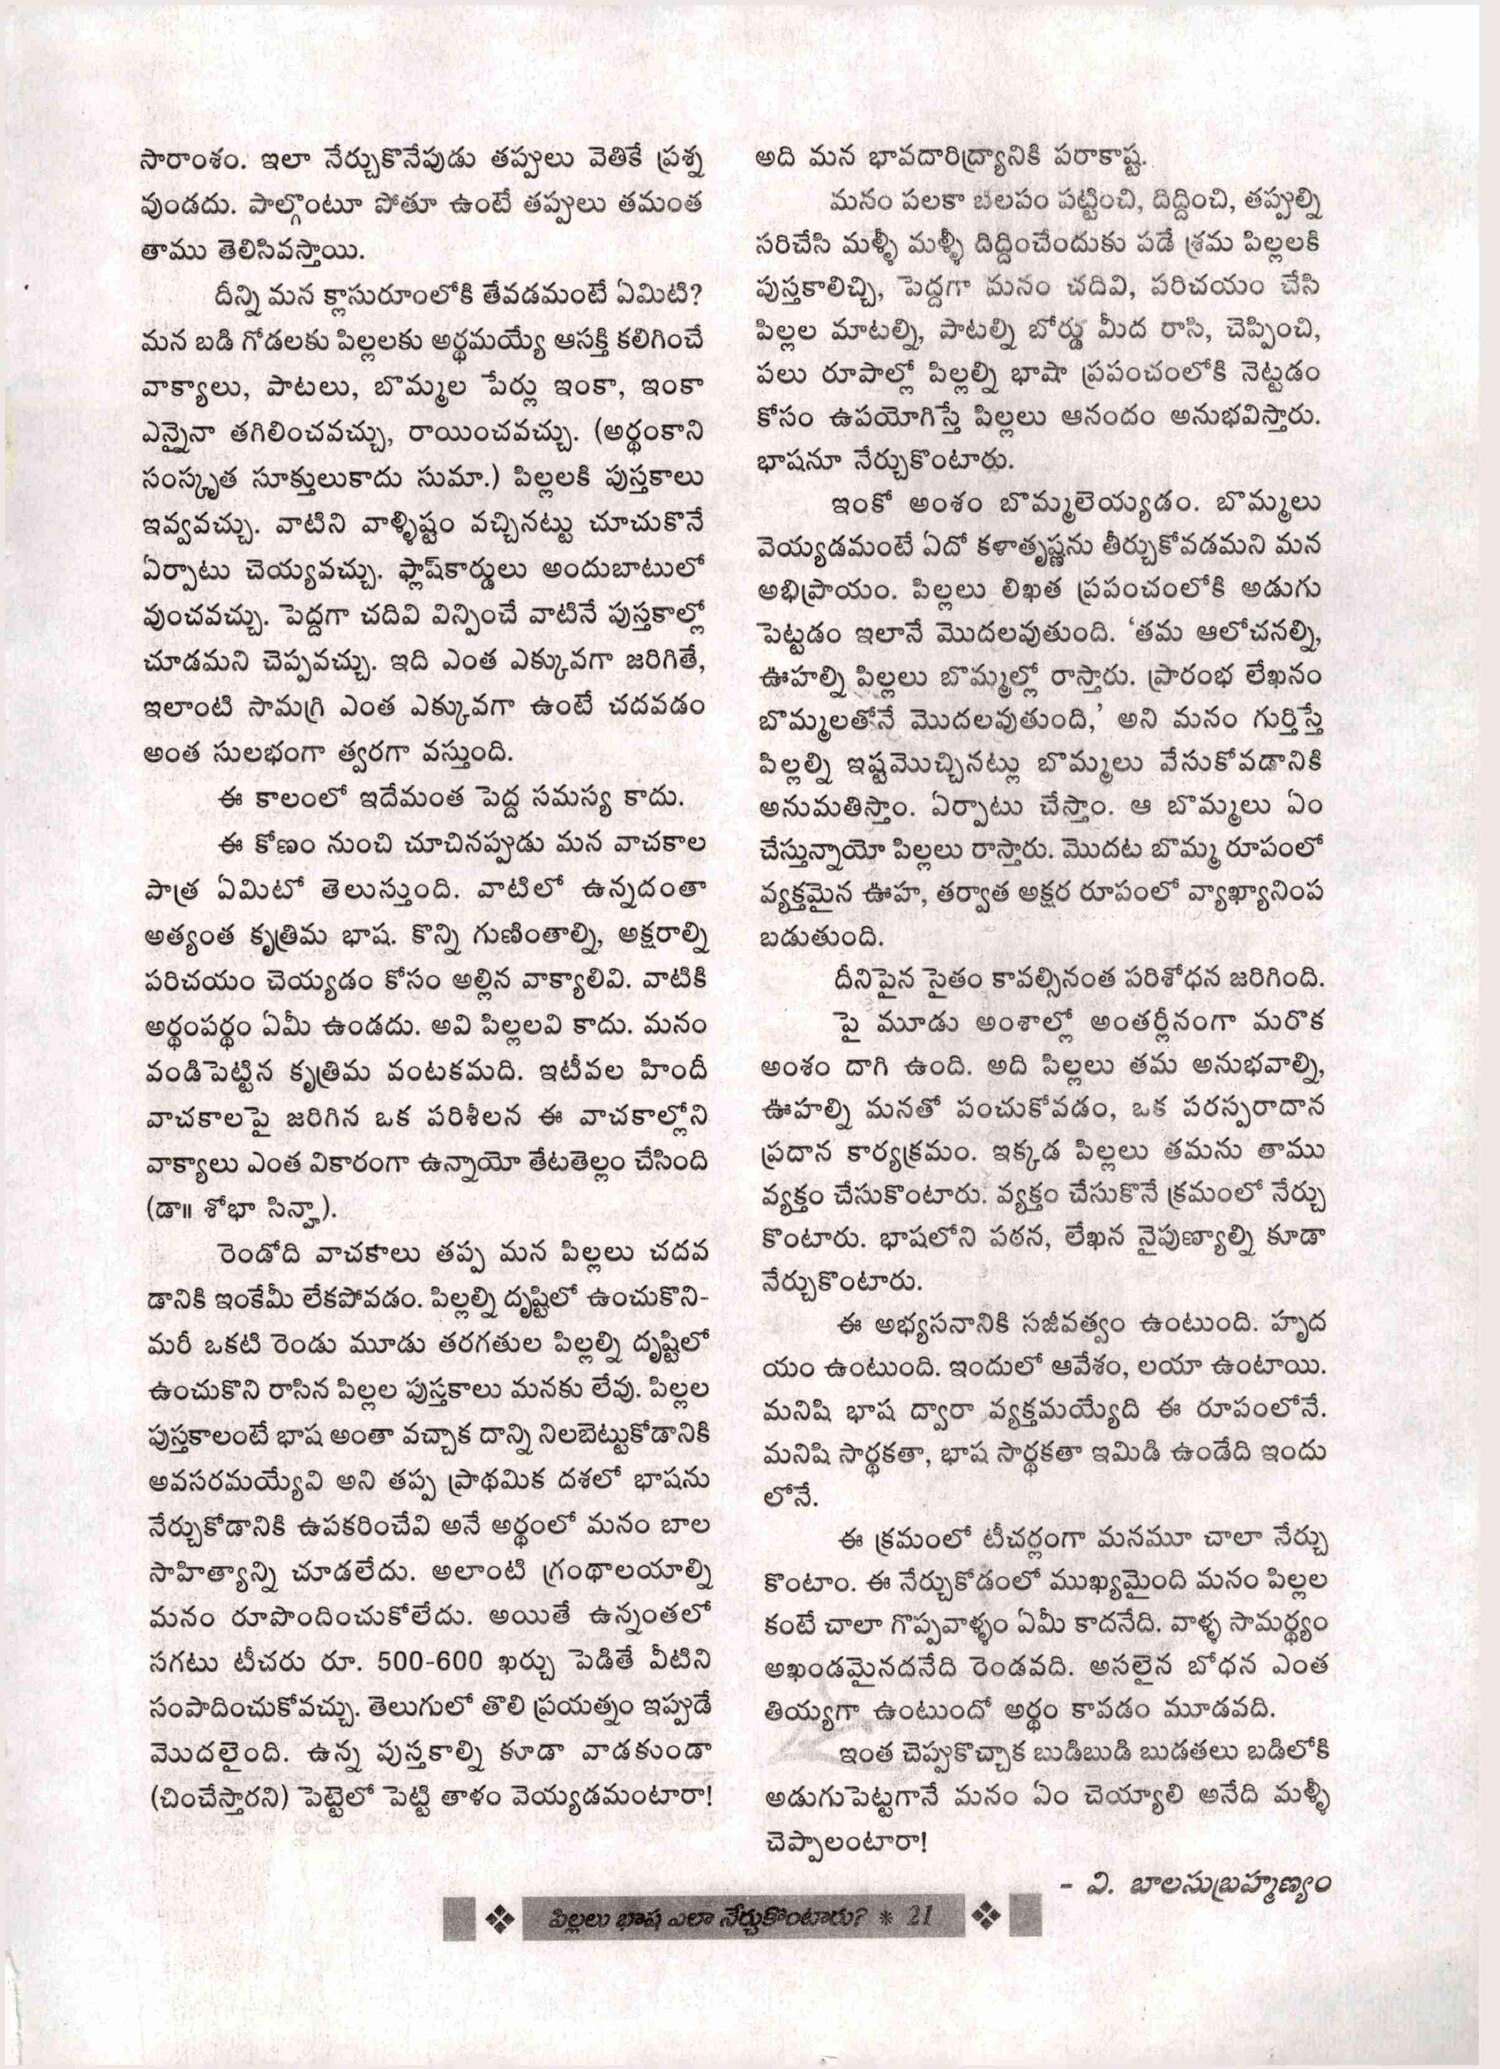సారాంశం. ఇలా నేర్చుకొనేపుడు తప్పులు వెతికే ప్రశ్న వుండదు. పాల్గొంటూ పోతూ ఉంటే తప్పులు తమంత తాము తెలిసివస్తాయి.

దీన్ని మన క్లాసురూంలోకి తేవడమంటే ఏమిటి? మన బడి గోడలకు పిల్లలకు అర్థమయ్యే ఆసక్తి కలిగించే వాక్యాలు, పాటలు, బొమ్మల పేర్లు ఇంకా, ఇంకా ఎన్నైనా తగిలించవచ్చు, రాయించవచ్చు. (అర్థంకాని సంస్కృత సూక్తులుకాదు సుమా.) పిల్లలకి పుస్తకాలు ఇవ్వవచ్చు. వాటిని వాళ్ళిష్టం వచ్చినట్టు చూచుకొనే ఏర్పాటు చెయ్యవచ్చు. ఫ్లాష్‌కార్డులు అందుబాటులో వుంచవచ్చు. పెద్దగా చదివి విన్పించే వాటినే పుస్తకాల్లో చూడమని చెప్పవచ్చు. ఇది ఎంత ఎక్కువగా జరిగితే, ఇలాంటి సామగ్రి ఎంత ఎక్కువగా ఉంటే చదవడం అంత సులభంగా త్వరగా వస్తుంది.

ఈ కాలంలో ఇదేమంత పెద్ద సమస్య కాదు.

ఈ కోణం నుంచి చూచినప్పుడు మన వాచకాల పాత్ర ఏమిటో తెలుస్తుంది. వాటిలో ఉన్నదంతా అత్యంత కృత్రిమ భాష. కొన్ని గుణింతాల్ని, అక్షరాల్ని పరిచయం చెయ్యడం కోసం అల్లిన వాక్యాలివి. వాటికి అర్థంపర్థం ఏమీ ఉండదు. అవి పిల్లలవి కాదు. మనం వండిపెట్టిన కృత్రిమ వంటకమది. ఇటీవల హిందీ వాచకాలపై జరిగిన ఒక పరిశీలన ఈ వాచకాల్లోని వాక్యాలు ఎంత వికారంగా ఉన్నాయో తేటతెల్లం చేసింది (డా॥ శోభా సిన్హా ).

రెండోది వాచకాలు తప్ప మన పిల్లలు చదవడానికి ఇంకేమీ లేకపోవడం. పిల్లల్ని దృష్టిలో ఉంచుకొనిమరీ ఒకటి రెండు మూడు తరగతుల పిల్లల్ని దృష్టిలో ఉంచుకొని రాసిన పిల్లల పుస్తకాలు మనకు లేవు. పిల్లల పుస్తకాలంటే భాష అంతా వచ్చాక దాన్ని నిలబెట్టుకోడానికి అవసరమయ్యేవి అని తప్ప ప్రాథమిక దశలో భాషను నేర్చుకోడానికి ఉపకరించేవి అనే అర్థంలో మనం బాలసాహిత్యాన్ని చూడలేదు. అలాంటి గ్రంథాలయాల్ని మనం రూపొందించుకోలేదు. అయితే ఉన్నంతలో సగటు టీచరు రూ. 500-600 ఖర్చు పెడితే వీటిని సంపాదించుకోవచ్చు. తెలుగులో తొలి ప్రయత్నం ఇప్పుడే మొదలైంది. ఉన్న పుస్తకాల్ని కూడా వాడకుండా (చించేస్తారని) పెట్టెలో పెట్టి తాళం వెయ్యడమంటారా! అది మన భావదారిద్ర్యానికి పరాకాష్ట.

మనం పలకా బలపం పట్టించి, దిద్దించి, తప్పుల్ని సరిచేసి మళ్ళీ మళ్ళీ దిద్దించేందుకు పడే శ్రమ పిల్లలకి పుస్తకాలిచ్చి, పెద్దగా మనం చదివి, పరిచయం చేసి పిల్లల మాటల్ని, పాటల్ని బోర్డు మీద రాసి, చెప్పించి, పలు రూపాల్లో పిల్లల్ని భాషా ప్రపంచంలోకి నెట్టడం కోసం ఉపయోగిస్తే పిల్లలు ఆనందం అనుభవిస్తారు. భాషనూ నేర్చుకొంటారు.

ఇంకో అంశం బొమ్మలెయ్యడం. బొమ్మలు వెయ్యడమంటే ఏదో కళాతృష్ణను తీర్చుకోవడమని మన అభిప్రాయం. పిల్లలు లిఖిత ప్రపంచంలోకి అడుగు పెట్టడం ఇలానే మొదలవుతుంది. 'తమ ఆలోచనల్ని, ఊహల్ని పిల్లలు బొమ్మల్లో రాస్తారు. ప్రారంభ లేఖనం బొమ్మలతోనే మొదలవుతుంది,' అని మనం గుర్తిస్తే పిల్లల్ని ఇష్టమొచ్చినట్లు బొమ్మలు వేసుకోవడానికి అనుమతిస్తాం. ఏర్పాటు చేస్తాం. ఆ బొమ్మలు ఏం చేస్తున్నాయో పిల్లలు రాస్తారు. మొదట బొమ్మ రూపంలో వ్యక్తమైన ఊహ, తర్వాత అక్షర రూపంలో వ్యాఖ్యానింప బడుతుంది.

దీనిపైన సైతం కావల్సినంత పరిశోధన జరిగింది.

పై మూడు అంశాల్లో అంతర్లీనంగా మరొక అంశం దాగి ఉంది. అది పిల్లలు తమ అనుభవాల్ని, ఊహల్ని మనతో పంచుకోవడం, ఒక పరస్పరాదాన ప్రదాన కార్యక్రమం. ఇక్కడ పిల్లలు తమను తాము వ్యక్తం చేసుకొంటారు. వ్యక్తం చేసుకొనే క్రమంలో నేర్చుకొంటారు. భాషలోని పఠన, లేఖన నైపుణ్యాల్ని కూడా నేర్చుకొంటారు.

ఈ అభ్యసనానికి సజీవత్వం ఉంటుంది. హృదయం ఉంటుంది. ఇందులో ఆవేశం, లయా ఉంటాయి. మనిషి భాష ద్వారా వ్యక్తమయ్యేది ఈ రూపంలోనే. మనిషి సార్థకతా, భాష సార్థకతా ఇమిడి ఉండేది ఇందులోనే.

ఈ క్రమంలో టీచర్లంగా మనమూ చాలా నేర్చుకొంటాం. ఈ నేర్చుకోడంలో ముఖ్యమైంది మనం పిల్లల కంటే చాలా గొప్పవాళ్ళం ఏమీ కాదనేది. వాళ్ళ సామర్థ్యం అఖండమైనదనేది రెండవది. అసలైన బోధన ఎంత తియ్యగా ఉంటుందో అర్థం కావడం మూడవది.

ఇంత చెప్పుకొచ్చాక బుడిబుడి బుడతలు బడిలోకి అడుగుపెట్టగానే మనం ఏం చెయ్యాలి అనేది మళ్ళీ
చెప్పాలంటారా!